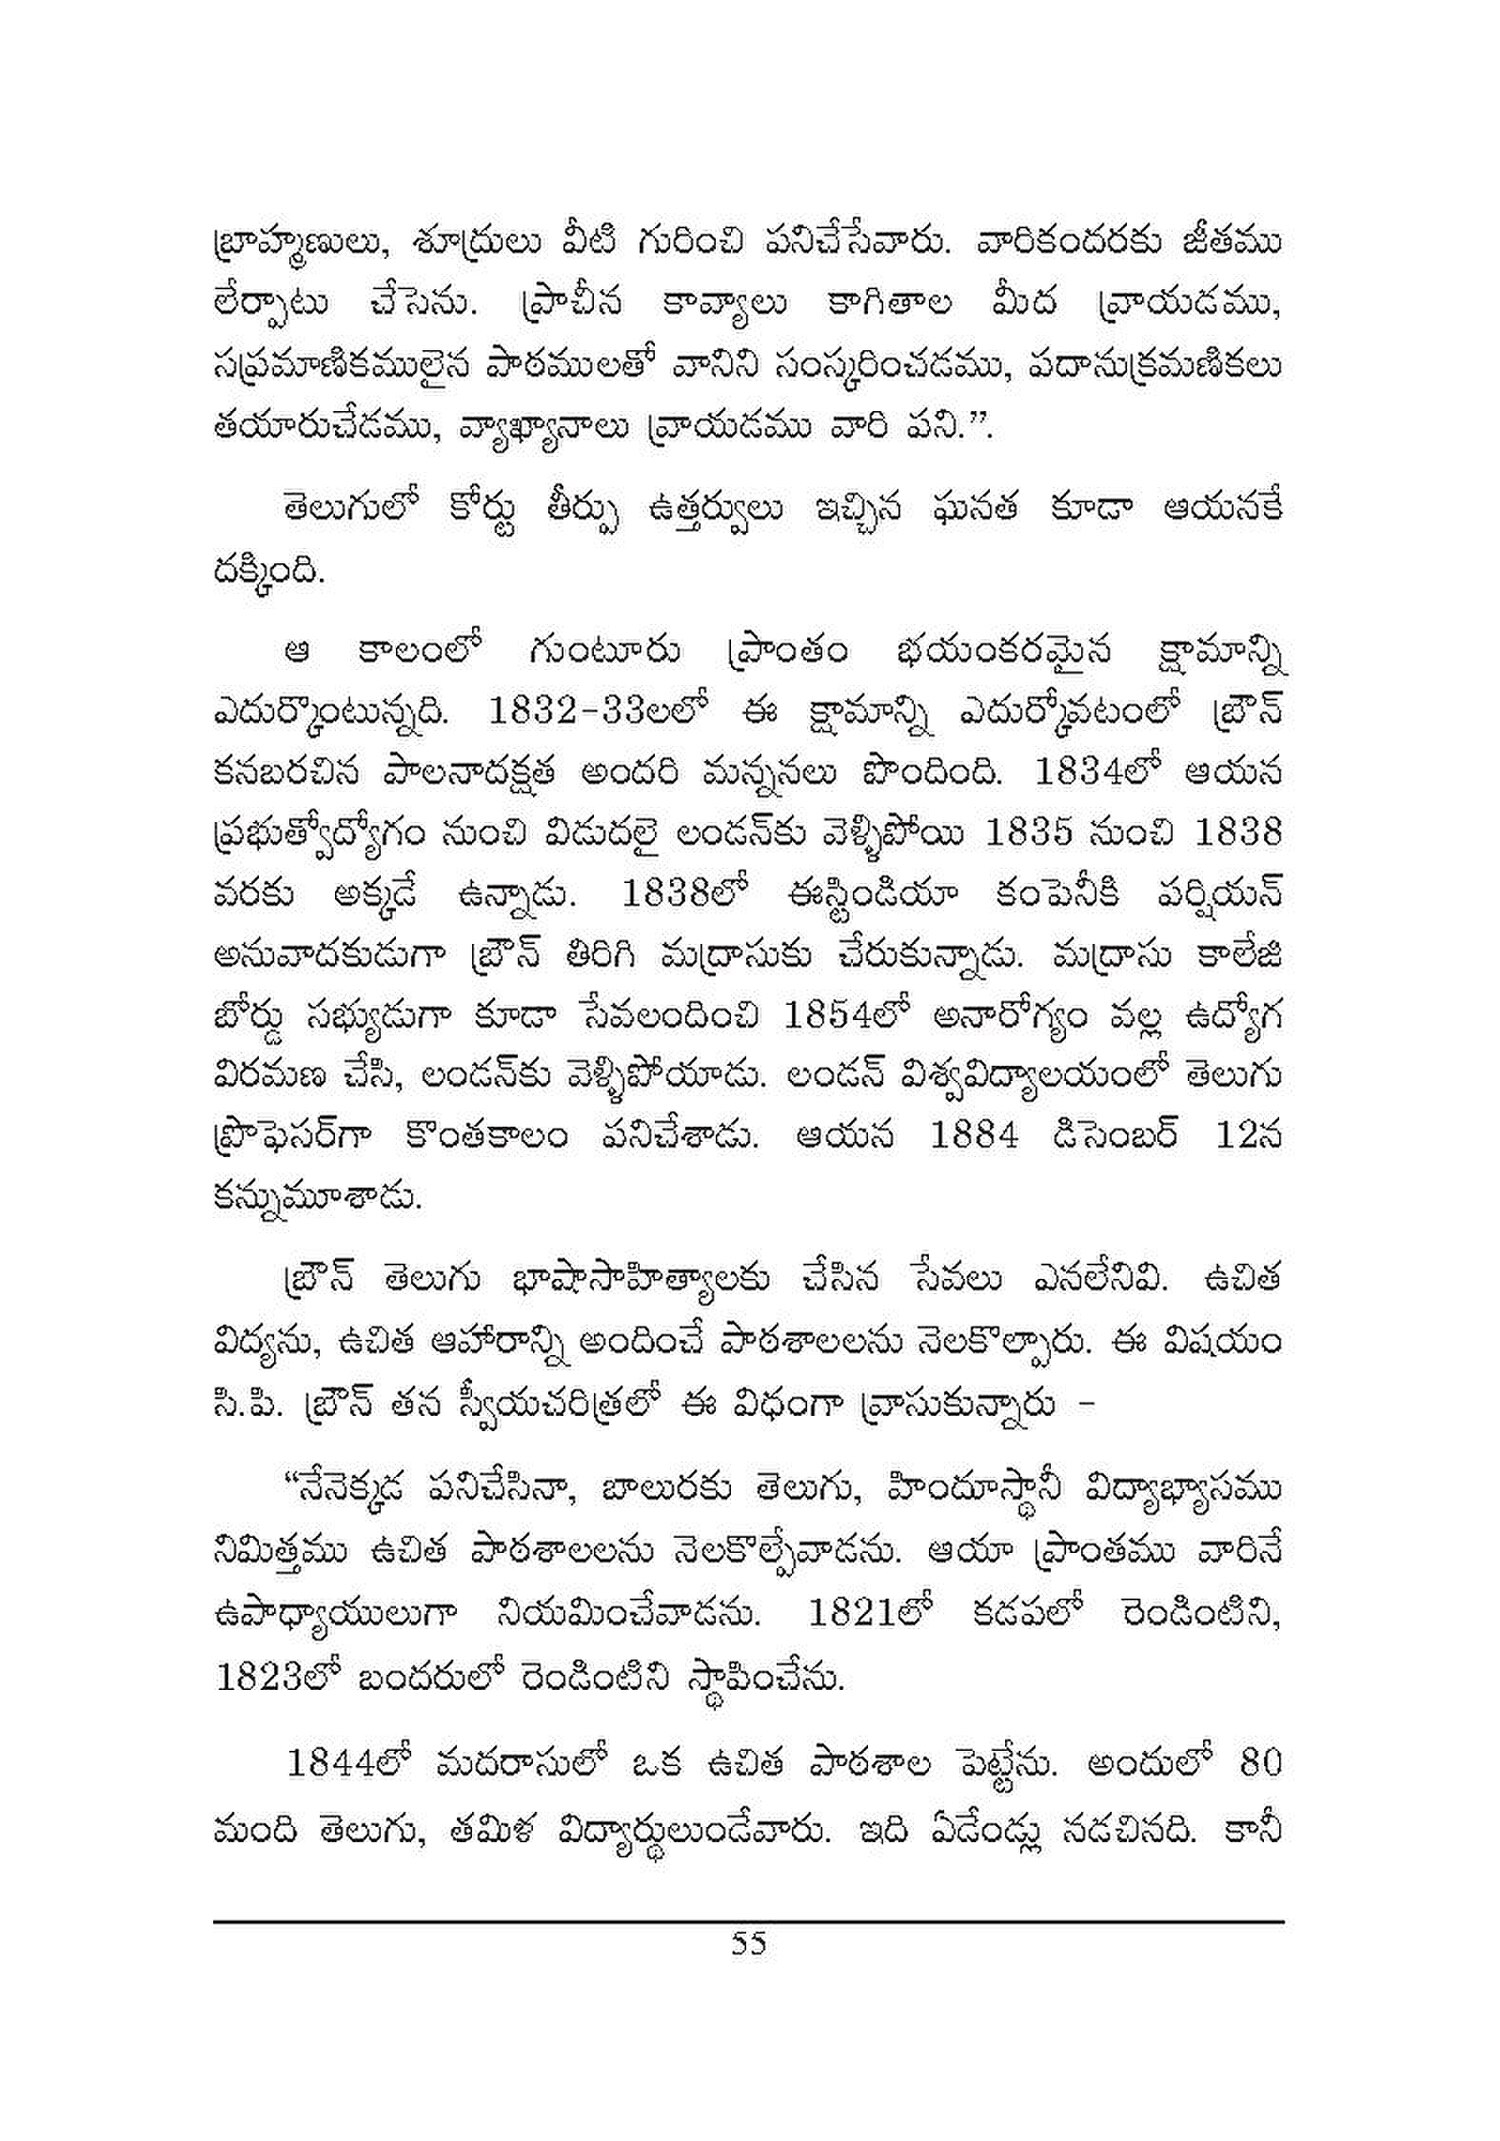బ్రాహ్మణులు, శూద్రులు వీటి గురించి పనిచేసేవారు. వారికందరకు జీతము లేర్పాటు చేసెను. ప్రాచీన కావ్యాలు కాగితాల మీద వ్రాయడము, సప్రమాణికములైన పాఠములతో వానిని సంస్కరించడము, పదానుక్రమణికలు తయారుచేడము, వ్యాఖ్యానాలు వ్రాయడము వారి పని."

తెలుగులో కోర్టు తీర్పు ఉత్తర్వులు ఇచ్చిన ఘనత కూడా ఆయనకే దక్కింది.

ఆ కాలంలో గుంటూరు ప్రాంతం భయంకరమైన క్షామాన్ని ఎదుర్కొంటున్నది. 1882-83లలో ఈ క్షామాన్ని ఎదుర్కోవటంలో బ్రౌన్ కనబరచిన పాలనాదక్షత అందరి మన్ననలు పొందింది. 1834లో ఆయన ప్రభుత్వోద్యోగం నుంచి విడుదలై లండన్ కు వెళ్ళిపోయి 1885 నుంచి 1838 వరకు అక్కడే ఉన్నాడు. 1838లో ఈస్టిండియా కంపెనీకి పర్షియన్ అనువాదకుడుగా బ్రౌన్ తిరిగి మద్రాసుకు చేరుకున్నాడు. మద్రాసు కాలేజి బోర్డు సభ్యుడుగా కూడా సేవలందించి 1854లో అనారోగ్యం వల్ల ఉద్యోగ విరమణ చేసి, లండన్ కు వెళ్ళిపోయాడు. లండన్ విశ్వవిద్యాలయంలో తెలుగు ప్రొఫెసర్‌గా కొంతకాలం పనిచేశాడు. ఆయన 1884 డిసెంబర్ 12న కన్నుమూశాడు.

బ్రౌన్ తెలుగు భాషాసాహిత్యాలకు చేసిన సేవలు ఎనలేనివి. ఉచిత విద్యను, ఉచిత ఆహారాన్ని అందించే పాఠశాలలను నెలకొల్పారు. ఈ విషయం సి.పి. బ్రౌన్ తన స్వీయచరిత్రలో ఈ విధంగా వ్రాసుకున్నారు -

"నేనెక్కడ పనిచేసినా, బాలురకు తెలుగు, హిందూస్థానీ విద్యాభ్యాసము నిమిత్తము ఉచిత పాఠశాలలను నెలకొల్పేవాడను. ఆయా ప్రాంతము వారినే ఉపాధ్యాయులుగా నియమించేవాడను. 1821లో కడపలో రెండింటిని, 1823లో బందరులో రెండింటిని స్థాపించేను.

1844లో మదరాసులో ఒక ఉచిత పాఠశాల పెట్టేను. అందులో 80 మంది తెలుగు, తమిళ విద్యార్ధులుండేవారు. ఇది ఏడేండ్లు నడచినది. కానీ